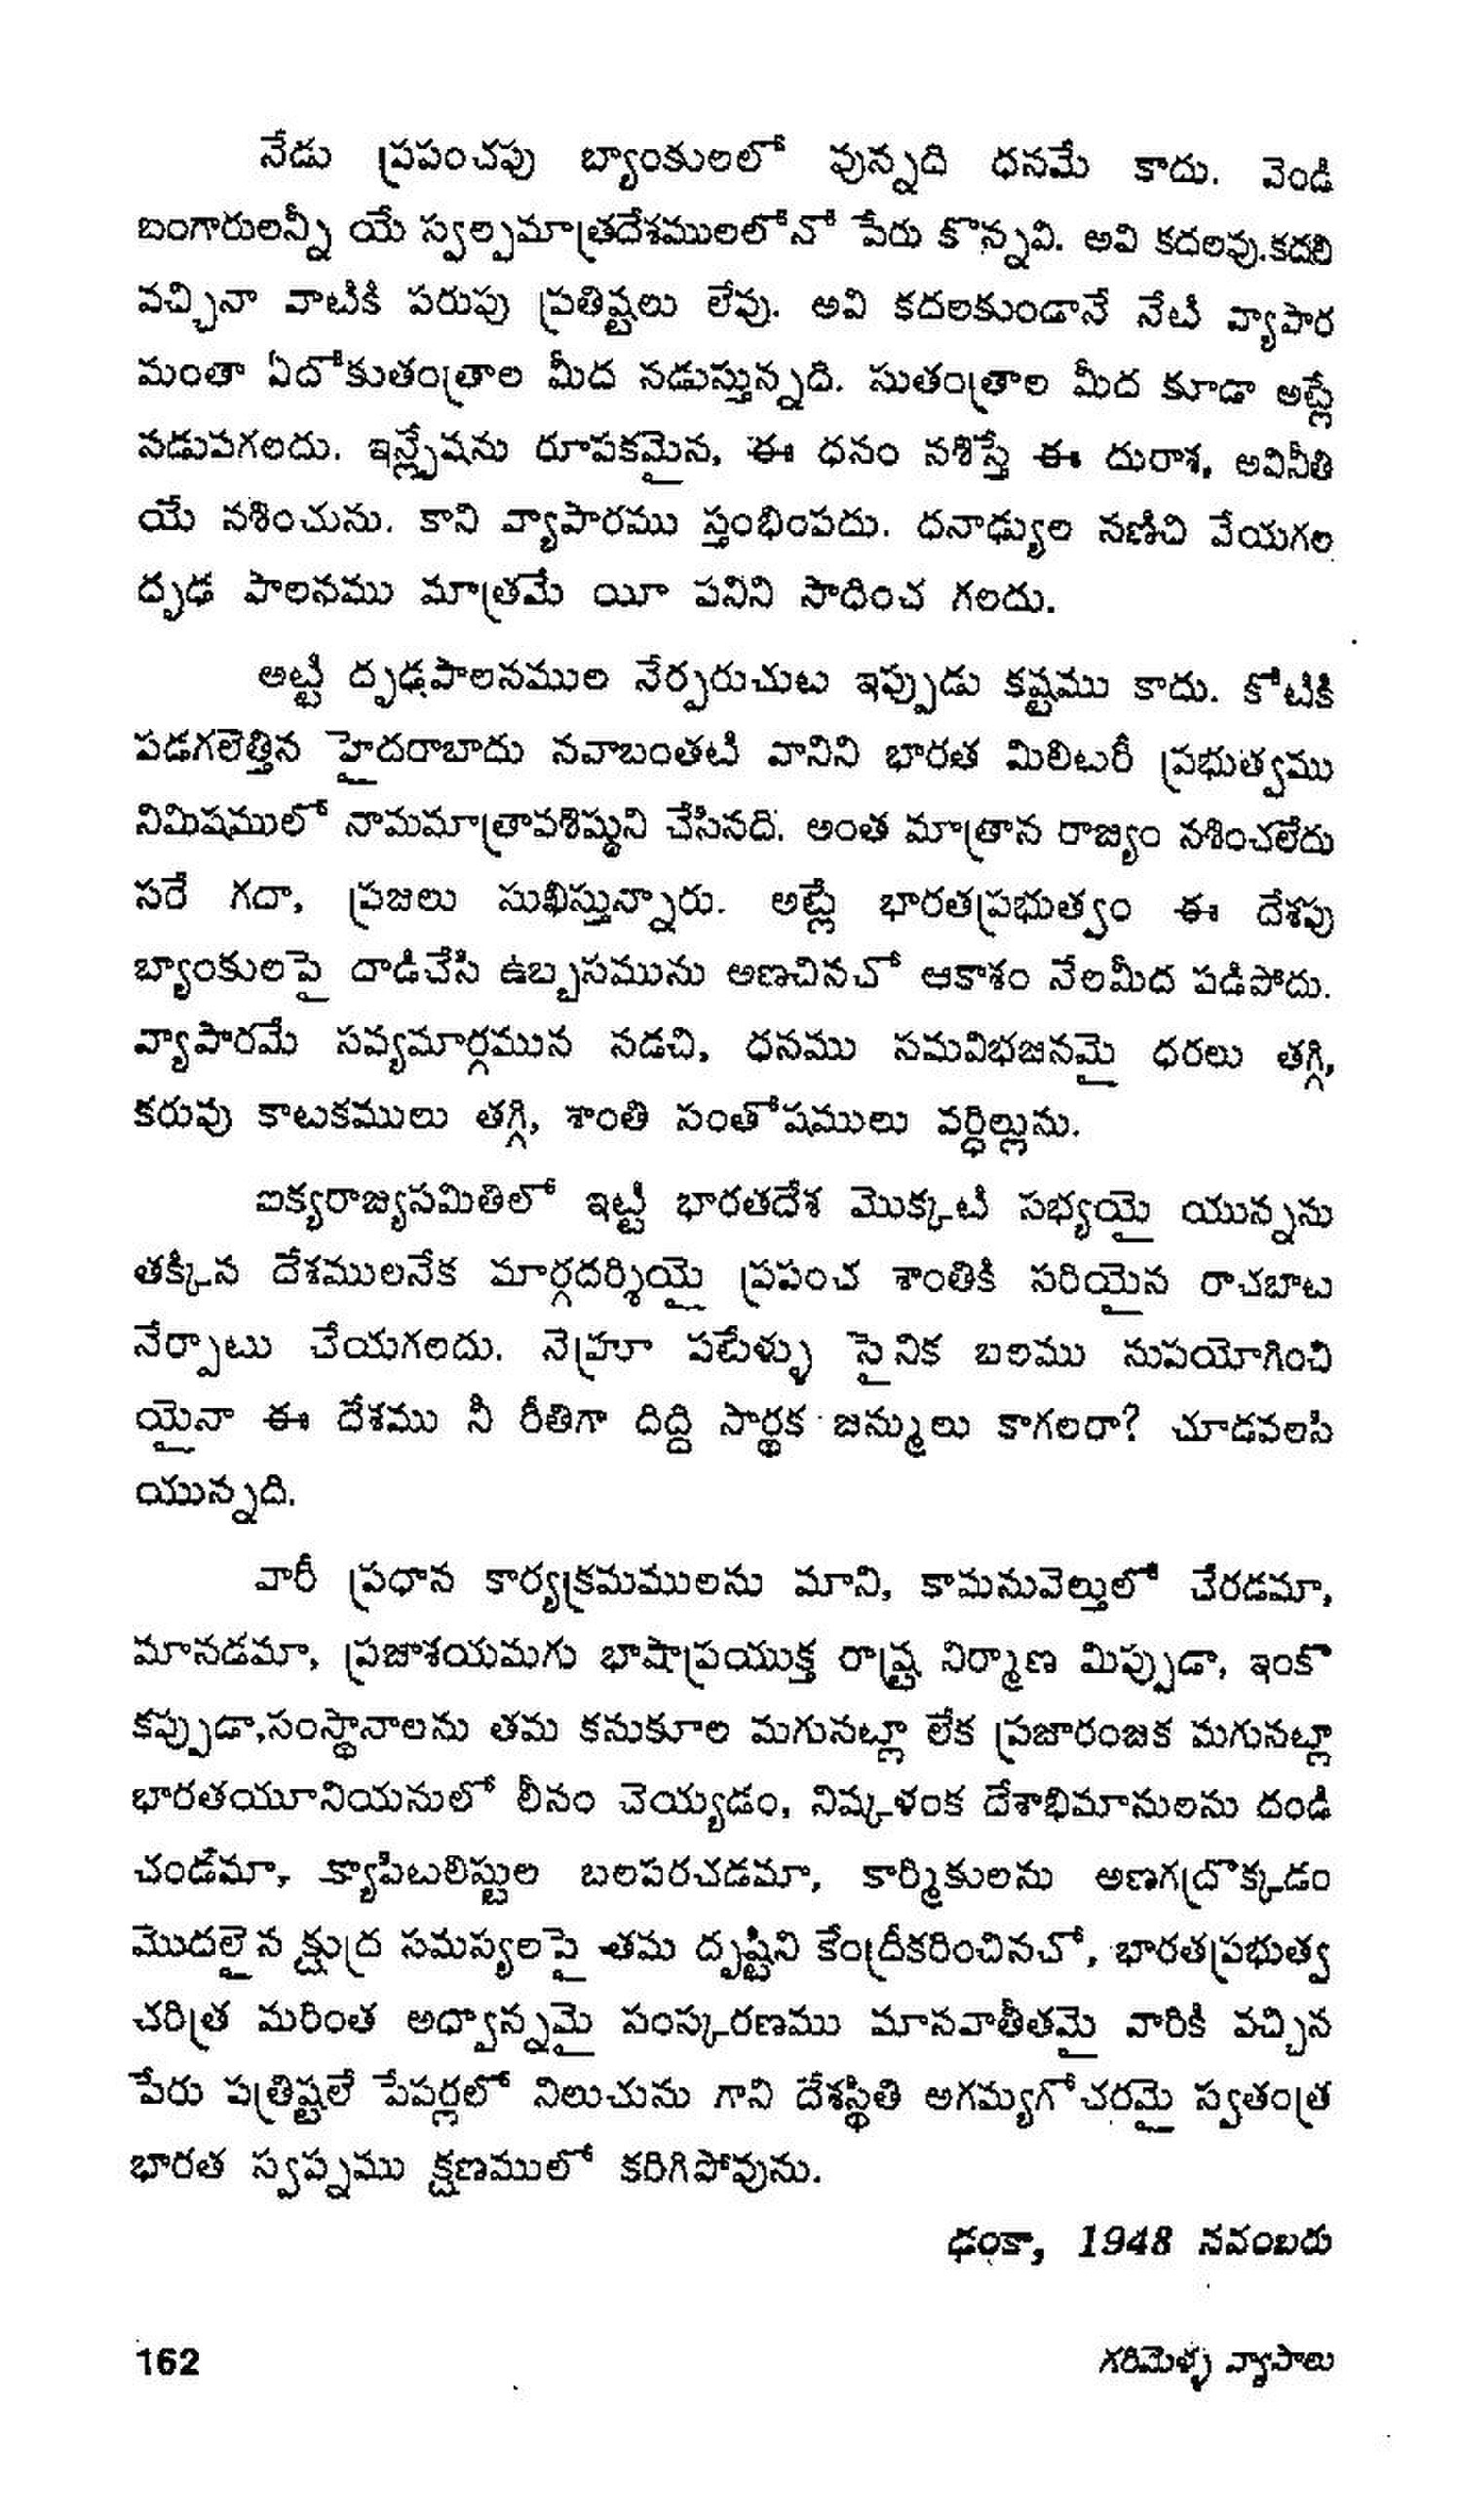నేడు ప్రపంచపు బ్యాంకులలో వున్నది ధనమే కాదు. వెండి బంగారులన్నీ యే స్వల్పమాత్రదేశములలోనో పేరు కొన్నవి. అవి కదలవు. కదలి వచ్చినా వాటికి పరువు ప్రతిష్టలు లేవు. అవి కదలకుండానే నేటి వ్యాపార మంతా ఏదోకుతంత్రాల మీద నడుస్తున్నది. సుతంత్రాల మీద కూడా అట్లే నడుపగలదు. ఇన్ల్పేషను రూపకమైన, ఈ ధనం నశిస్తే ఈ దురాశ, అవినీతి యే నశించును. కాని వ్యాపారము స్తంభింపదు. ధనాఢ్యుల నణిచి వేయగల దృఢ పాలనము మాత్రమే యీ పనిని సాధించ గలదు.

అట్టి దృఢపాలనముల నేర్పరచుట ఇప్పుడు కష్టము కాదు. కోటికి పడగలెత్తిన హైదరాబాదు నవాబంతటి వానిని భారత మిలిటరీ ప్రభుత్వము నిమిషములో నామమాత్రవశిష్ఠుని చేసినది. అంత మాత్రాన రాజ్యం నశించలేదు సరే గదా, ప్రజలు సుఖిస్తున్నారు. అట్లే భారతప్రభుత్వం ఈ దేశపు బ్యాంకులపై దాడిచేసి ఉబ్బసమును అణచినచో ఆకాశం నేలమీద పడిపోదు. వ్యాపారమే సవ్యమార్గమున నడచి, ధనము సమవిభజనమై ధరలు తగ్గి, కరువు కాటకములు తగ్గి, శాంతి సంతోషములు వర్ధిల్లును.

ఐక్యరాజ్యసమితిలో ఇట్టి భారతదేశ మొక్కటి సభ్యయై యున్నను తక్కిన దేశములనేక మార్గదర్శియై ప్రపంచ శాంతికి సరియైన రాచబాట నేర్పాటు చేయగలదు. నెహ్రూ పటేళ్ళు సైనిక బలము నుపయోగించి యైనా ఈ దేశము నీ రీతిగా దిద్ది సార్థక జన్ములు కాగలరా? చూడవలసి యున్నది.

వారీ ప్రధాన కార్యక్రమములను మాని, కామనువెల్తులో చేరడమా, మానడమా, ప్రజాశయమగు భాషాప్రయుక్త రాష్ట్ర నిర్మాణ మిప్పుడా, ఇంకొకప్పుడా, సంస్థానాలను తమ కనుకూల మగునట్లా లేక ప్రజారంజక మగునట్లా భారతయూనియనులో లీనం చెయ్యడం, నిష్కళంక దేశాభిమానులను దండించడమా, క్యాపిటలిస్టుల బలపరచడమా, కార్మికులను అణగద్రొక్కడం మొదలైన క్షుద్ర సమస్యలపై తమ దృష్టిని కేంద్రీకరించినచో, భారతప్రభుత్వ చరిత్ర మరింత అద్వాన్నమై సంస్కరణము మానవాతీతమై వారికి వచ్చిన పేరు ప్రతిష్టలే పేపర్లలో నిలుచును గాని దేశస్థితి అగమ్యగోచరమై స్వతంత్ర భారత స్వప్నము క్షణములో కరిగిపోవును.